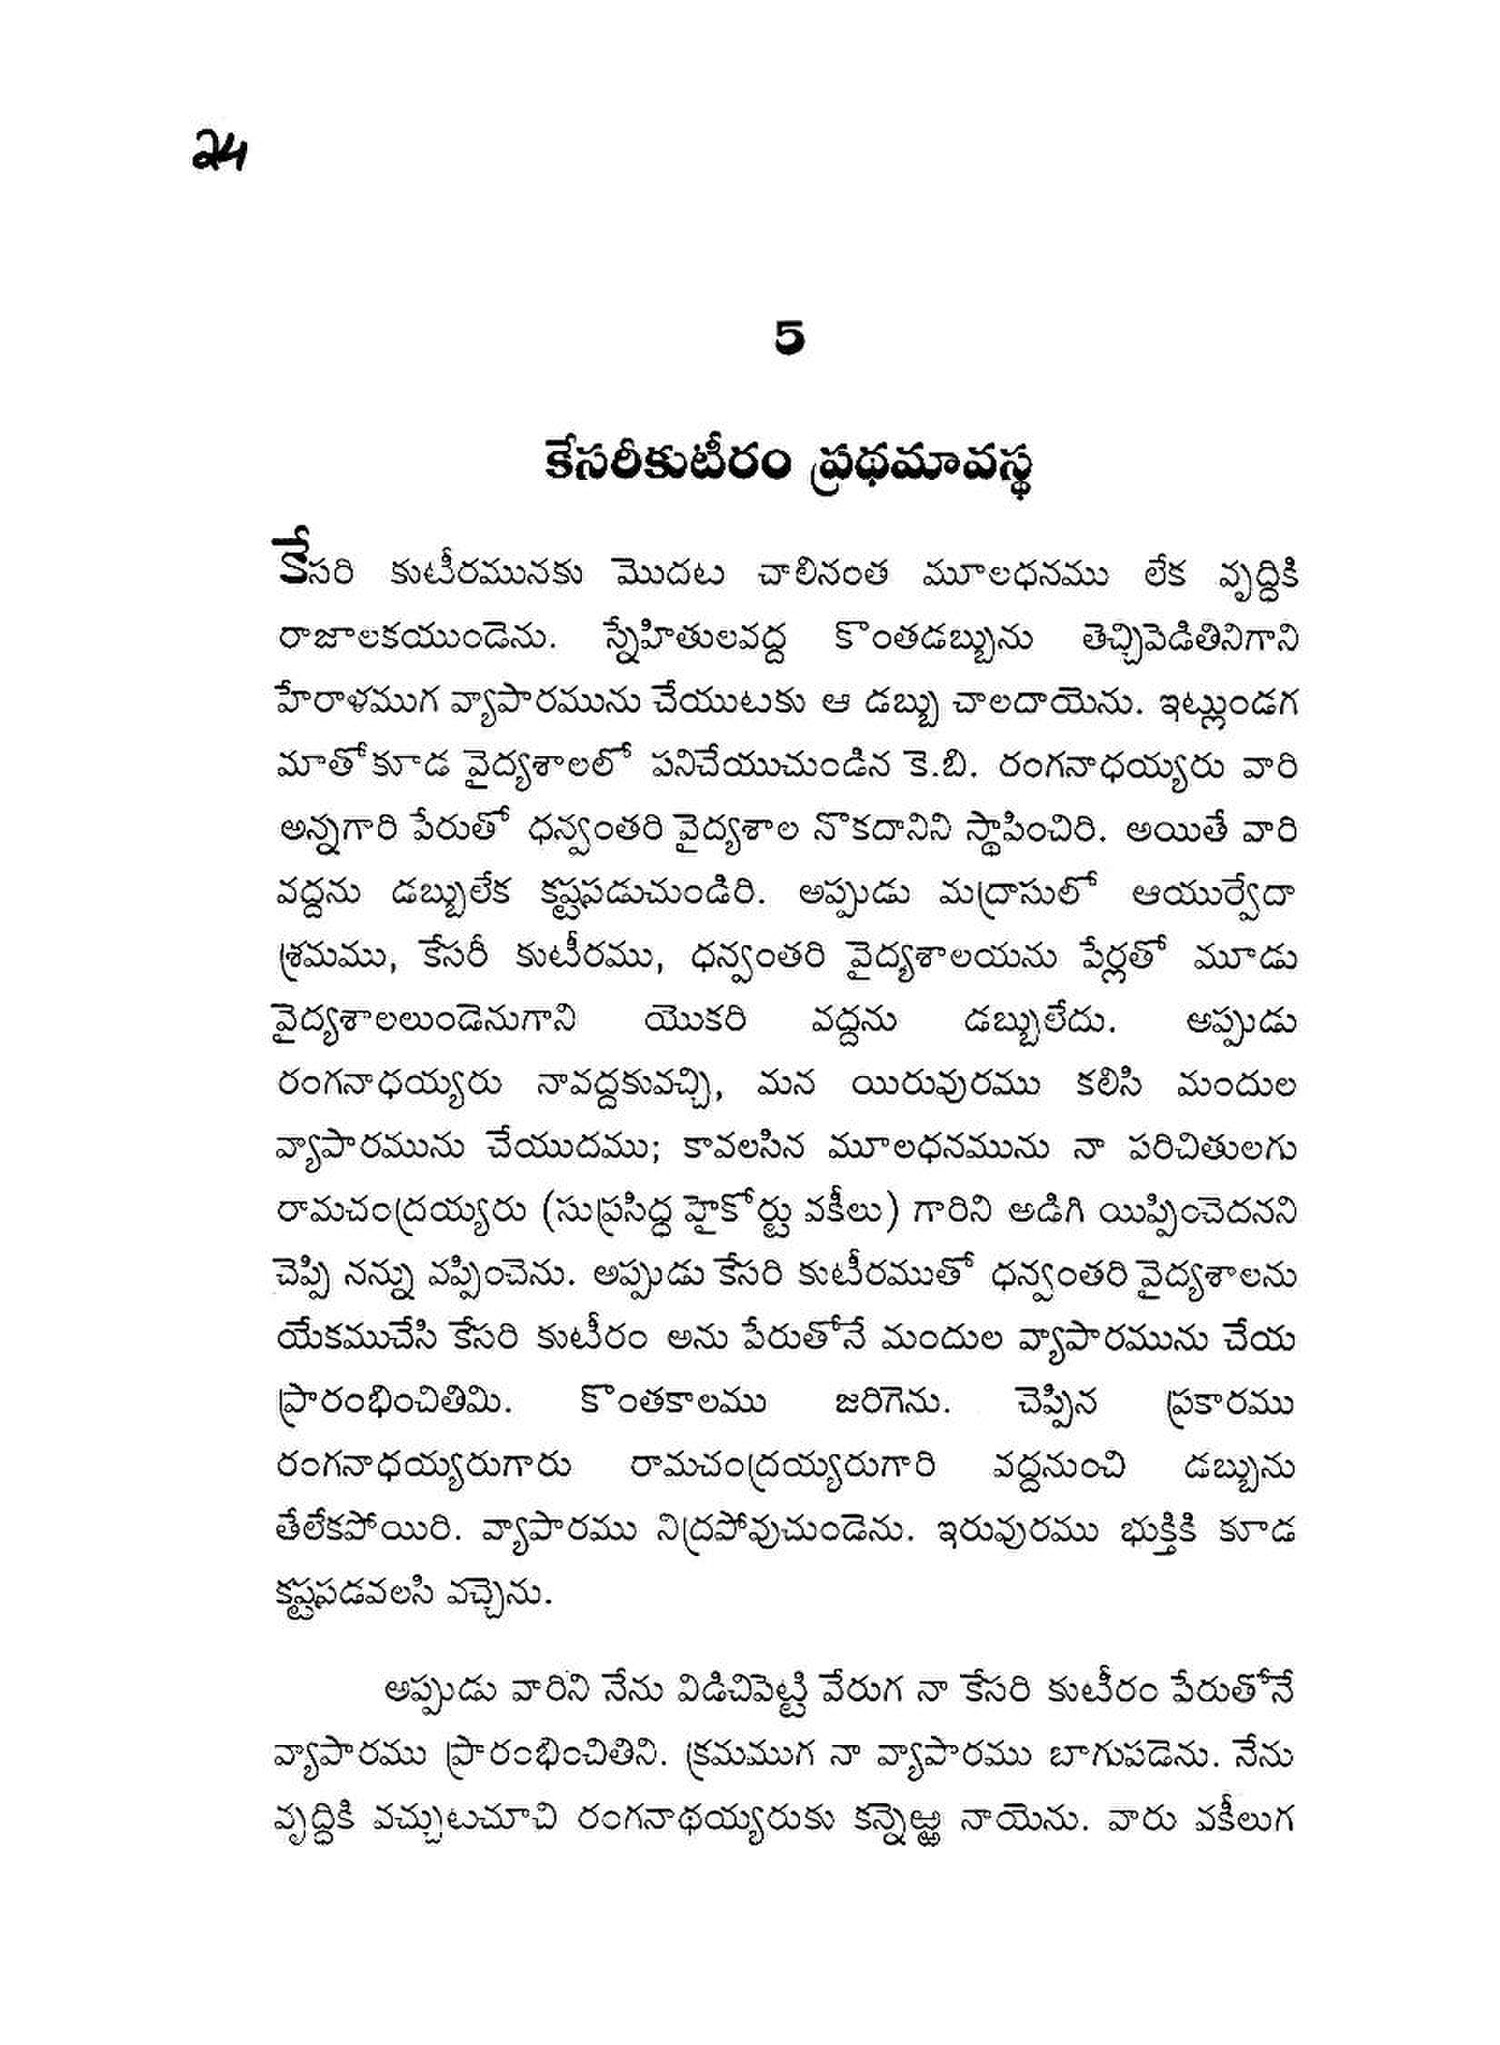కేసరి కుటీరమునకు మొదట చాలినంత మూలధనము లేక వృద్దికి రాజాలకయుండెను. స్నేహితులవద్ద కొంతడబ్బును తెచ్చిపెడితినిగాని హేరాళముగ వ్యాపారమును చేయుటకు ఆ డబ్బు చాలదాయెను. ఇట్లుండగ మాతోకూడ వైద్యశాలలో పనిచేయుచుండిన కె.బి. రంగనాధయ్యరు వారి అన్నగారి పేరుతో ధన్వంతరి వైద్యశాల నొకదానిని స్థాపించిరి. అయితే వారి వద్దను డబ్బులేక కష్టపడుచుండిరి. అప్పుడు మద్రాసులో ఆయుర్వేదాశ్రమము, కేసరీ కుటీరము, ధన్వంతరి వైద్యశాలయను పేర్లతో మూడు వైద్యశాలలుండెనుగాని యొకరి వద్దను డబ్బులేదు. అప్పుడు రంగనాధయ్యరు నావద్దకువచ్చి, మన యిరువురము కలిసి మందుల వ్యాపారమును చేయుదము; కావలసిన మూలధనమును నా పరిచితులగు రామచంద్రయ్యరు (సుప్రసిద్ధ హైకోర్టు వకీలు) గారిని అడిగి యిప్పించెదనని చెప్పి నన్ను వప్పించెను. అప్పడు కేసరి కుటీరముతో ధన్వంతరి వైద్యశాలను యేకముచేసి కేసరి కుటీరం అను పేరుతోనే మందుల వ్యాపారమును చేయ ప్రారంభించితిమి. కొంతకాలము జరిగెను. చెప్పిన ప్రకారము రంగనాధయ్యరుగారు రామచంద్రయ్యరుగారి వద్దనుంచి డబ్బును తేలేకపోయిరి. వ్యాపారము నిద్రపోవుచుండెను. ఇరువురము భుక్తికి కూడ కష్టపడవలసి వచ్చెను.

అప్పడు వారిని నేను విడిచిపెట్టి వేరుగ నా కేసరి కుటీరం పేరుతోనే వ్యాపారము ప్రారంభించితిని. క్రమముగ నా వ్యాపారము బాగుపడెను. నేను వృద్ధికి వచ్చుటచూచి రంగనాథయ్యరుకు కన్నెఱ్ఱ నాయెను. వారు వకీలుగ